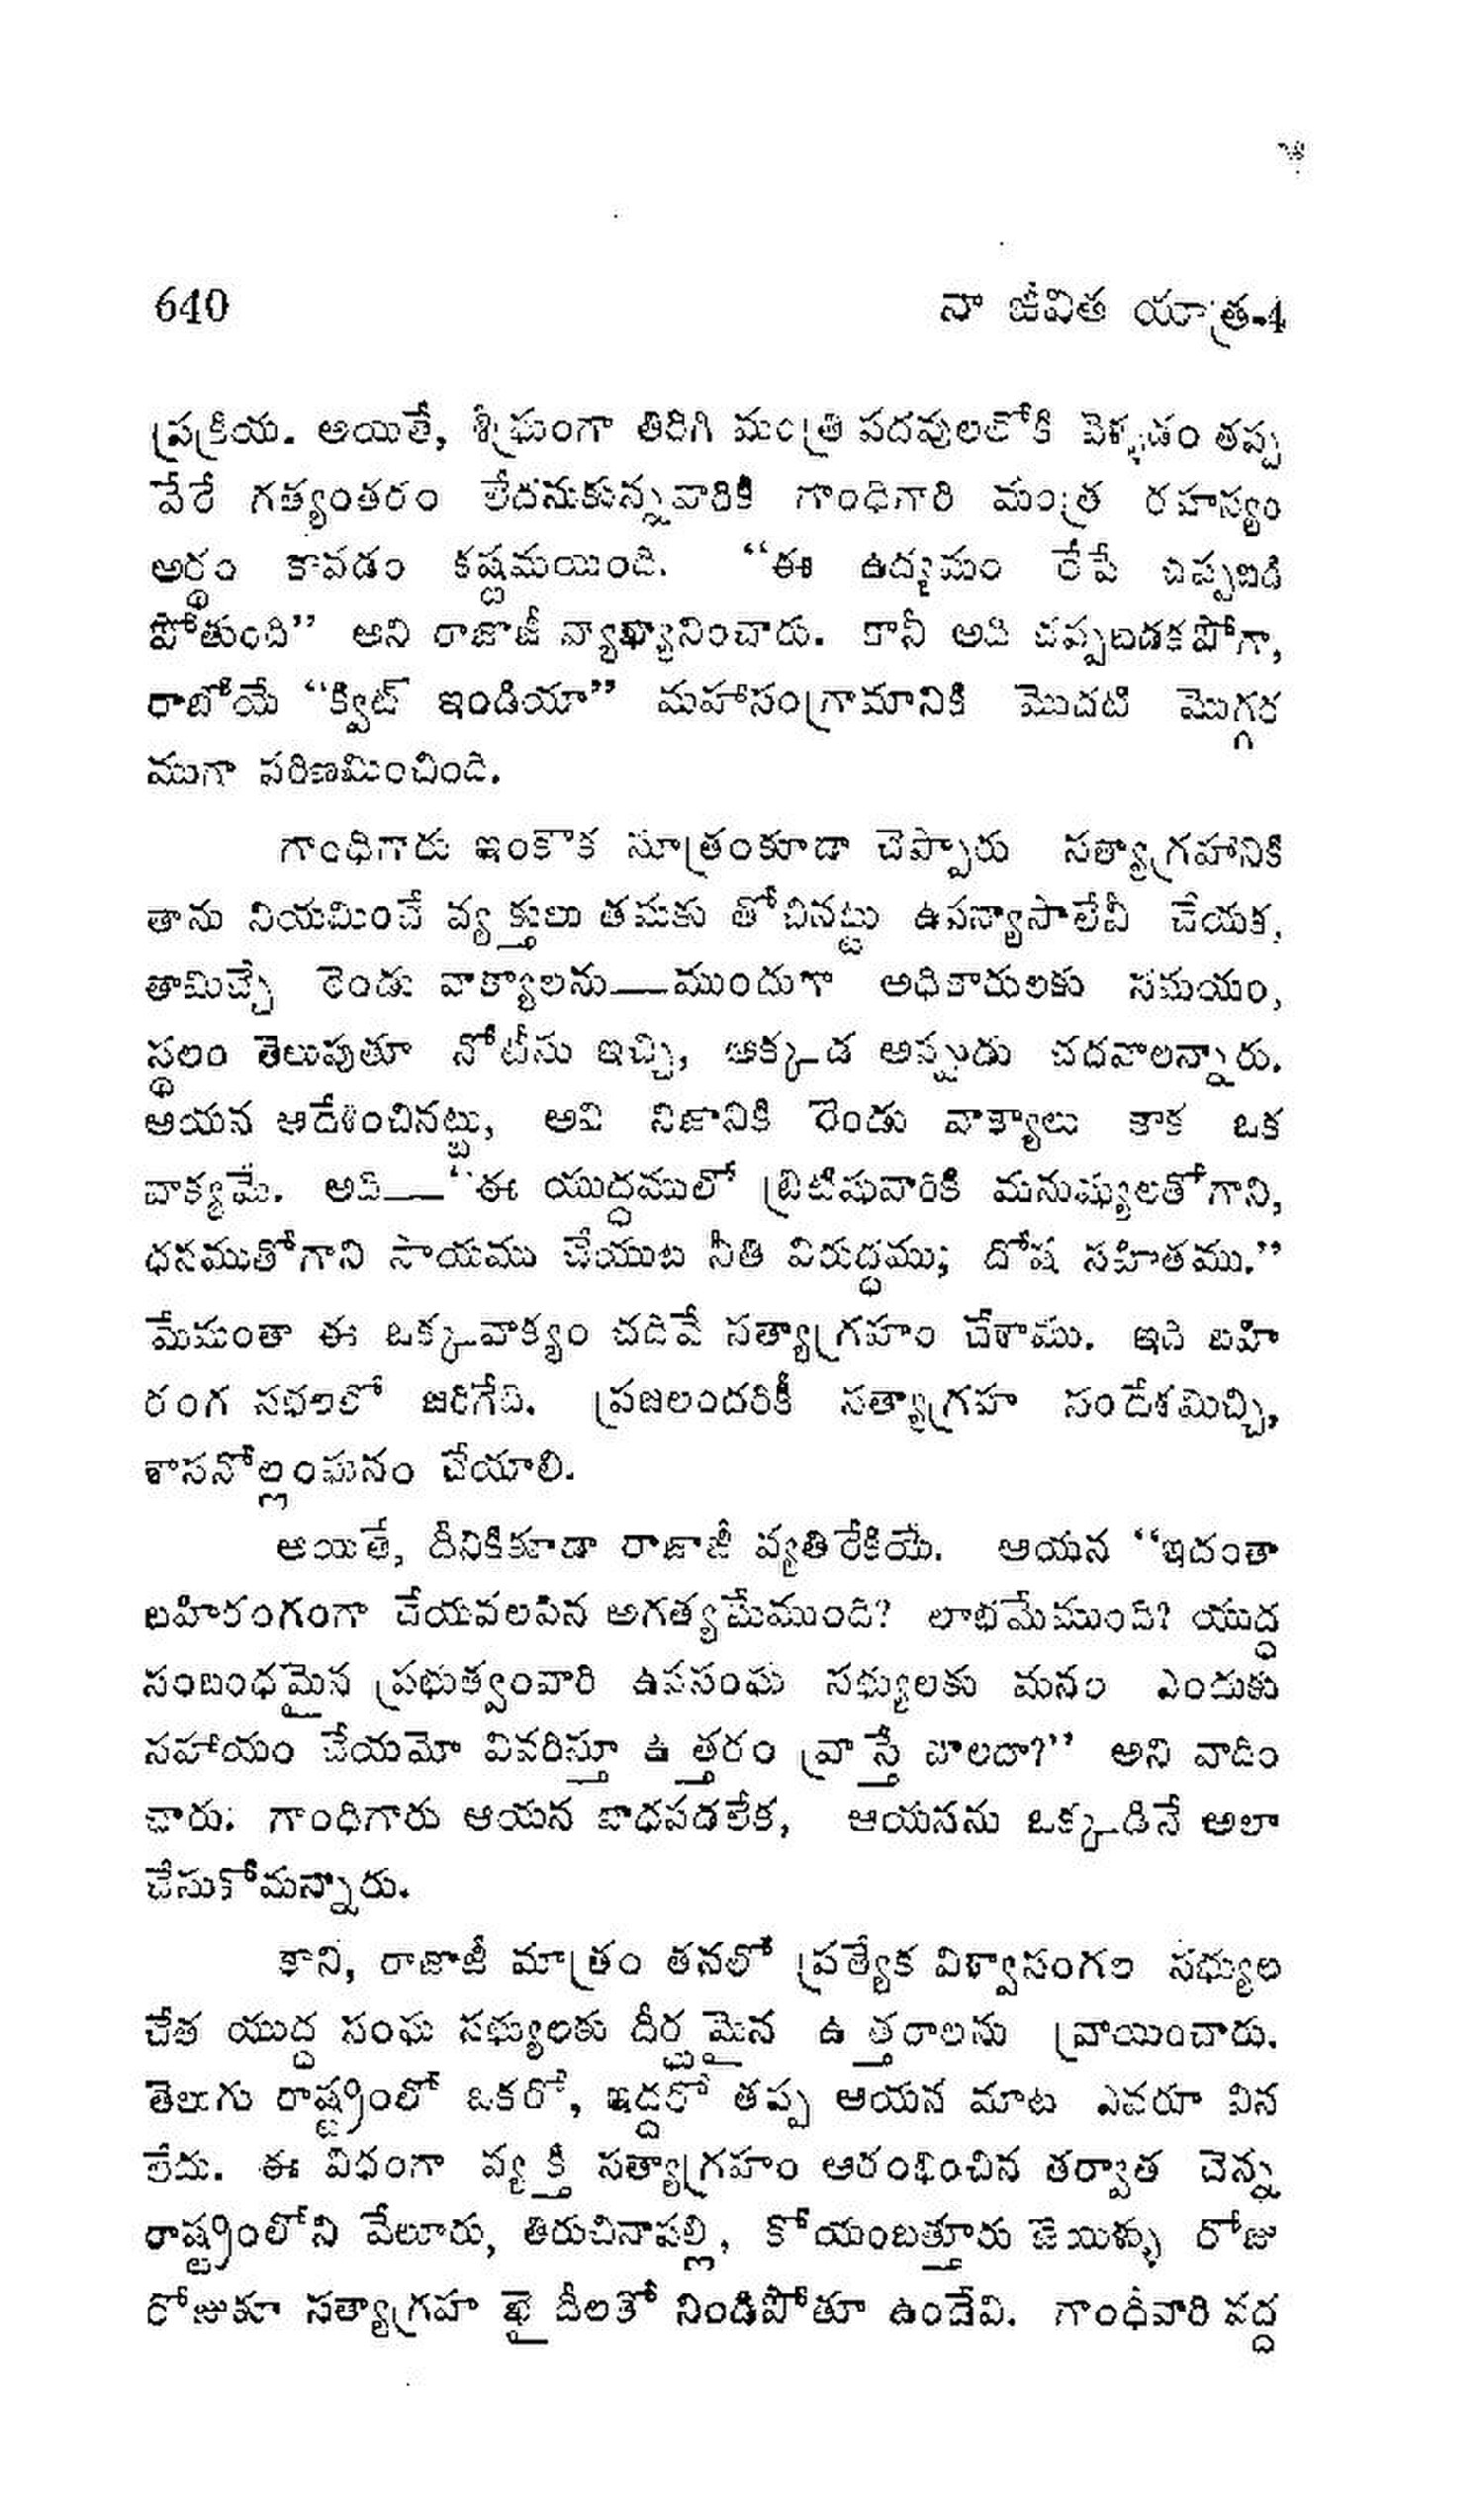ప్రక్రియ. అయితే, శీఘ్రంగా తిరిగి మంత్రి పదవులలోకి వెళ్ళడం తప్ప వేరే గత్యంతరం లేదనుకున్నవారికి గాంధిగారి మంత్ర రహస్యం అర్థం కావడం కష్టమయింది. "ఈ ఉద్యమం రేపే చప్పబడి పోతుంది" అని రాజాజీ వ్యాఖ్యానించారు. కానీ అది చప్పబడకపోగా, రాబోయే "క్విట్ ఇండియా" మహాసంగ్రామానికి మొదటి మొగ్గరముగా పరిణమించింది.

గాంధిగారు ఇంకొక సూత్రంకూడా చెప్పారు సత్యాగ్రహానికి తాను నియమించే వ్యక్తులు తమకు తోచినట్టు ఉపన్యాసాలేవీ చేయక, తామిచ్చే రెండు వాక్యాలను - ముందుగా అధికారులకు సమయం, స్థలం తెలుపుతూ నోటీసు ఇచ్చి, అక్కడ అప్పుడు చదవాలన్నారు. ఆయన ఆదేశించినట్టు, అవి నిజానికి రెండు వాక్యాలు కాక ఒక వాక్యమే. అది - "ఈ యుద్ధములో బ్రిటిషువారికి మనుష్యులతోగాని, ధనముతోగాని సాయము చేయుట నీతి విరుద్ధము; దోష సహితము." మేమంతా ఈ ఒక్కవాక్యం చదివే సత్యాగ్రహం చేశాము. ఇది బహిరంగ సభలలో జరిగేది. ప్రజలందరికి సత్యాగ్రహ సందేశమిచ్చి, శాసనోల్లంఘనం చేయాలి.

అయితే, దీనికికూడా రాజాజీ వ్యతిరేకియే. ఆయన "ఇదంతా బహిరంగంగా చేయవలసిన అగత్యమేముంది? లాభమేముంది? యుద్ద సంబంధమైన ప్రభుత్వంవారి ఉపసంఘ సభ్యులకు మనం ఎందుకు సహాయం చేయమో వివరిస్తూ ఉత్తరం వ్రాస్తే చాలదా?" అని వాదించారు. గాంధిగారు ఆయన బాధపడలేక, ఆయనను ఒక్కడినే అలా చేసుకోమన్నారు.

కాని, రాజాజీ మాత్రం తనలో ప్రత్యేక విశ్వాసంగల సభ్యులచేత యుద్ధ సంఘ సభ్యులకు దీర్ఘమైన ఉత్తరాలను వ్రాయించారు. తెలుగు రాష్ట్రంలో ఒకరో, ఇద్దరో తప్ప ఆయన మాట ఎవరూ వినలేదు. ఈ విధంగా వ్యక్తి సత్యాగ్రహం ఆరంభించిన తర్వాత చెన్న రాష్ట్రంలోని వేలూరు, తిరుచినాపల్లి, కోయంబత్తూరు జెయిళ్ళు రోజు రోజుకూ సత్యాగ్రహ్ ఖైదీలతో నిండిపోతూ ఉండేవి. గాంధివారి వద్ద